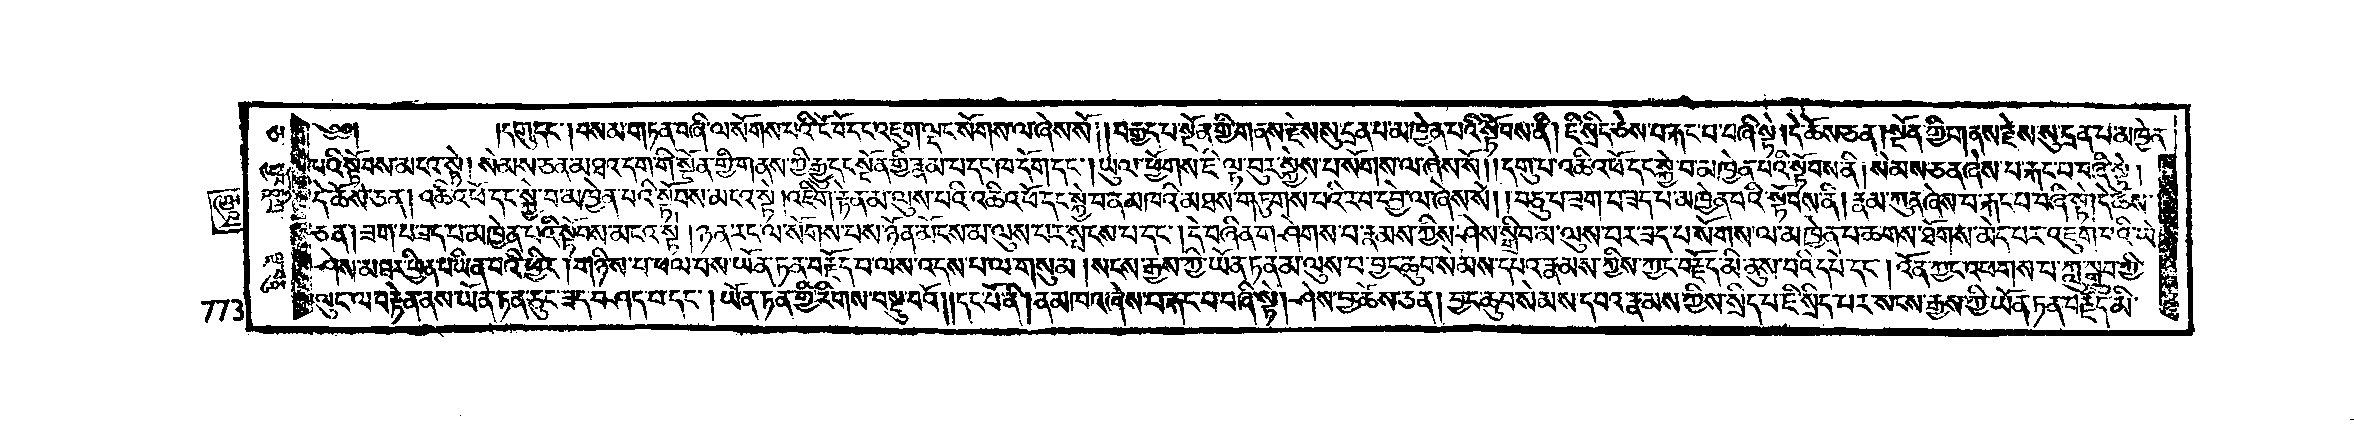༄༅། །དགུ་དང་། བསམ་གཏན་བཞི་ལ་སོགས་པའི་ངོ་བོ་དང་འཇུག་ལྡང་སོགས་ལ་ཞེས་སོ། །བརྒྱད་པ་སྔོན་གྱི་གནས་རྗེས་སུ་དྲན་པ་མཁྱེན་པའི་སྟོབས་ནི། ཇི་སྲིད་ཅེས་པ་རྐང་པ་བཞི་སྟེ། དེ་ཆོས་ཅན། སྔོན་གྱི་གནས་རྗེས་སུ་དྲན་པ་མཁྱེན་
པའི་སྟོབས་མངའ་སྟེ། སེམས་ཅན་མཐའ་དག་གི་སྔོན་གྱི་གནས་ཀྱི་རྒྱུ་དང་སྔོན་གྱི་རྣམ་པ་དང་ཁ་དོག་དང་། ཡུལ་ཕྱོགས་ཇི་ལྟ་བུར་སྐྱེས་པ་སོགས་ལ་ཞེས་སོ། །དགུ་པ་འཆི་འཕོ་དང་སྐྱེ་བ་མཁྱེན་པའི་སྟོབས་ནི། སེམས་ཅན་ཞེས་པ་རྐང་པ་བཞི་སྟེ།
དེ་ཆོས་ཅན། འཆི་འཕོ་དང་སྐྱེ་བ་མཁྱེན་པའི་སྟོབས་མངའ་སྟེ། འཇིག་རྟེན་མ་ལུས་པའི་འཆི་འཕོ་དང་སྐྱེ་བ་ནམ་མཁའི་མཐས་གཏུགས་པའི་རབ་དབྱེ་ལ་ཞེས་སོ། །བཅུ་པ་ཟག་པ་ཟད་པ་མཁྱེན་པའི་སྟོབས་ནི། རྣམ་ཀུན་ཞེས་པ་རྐང་པ་བཞི་སྟེ། དེ་ཆོས་
ཅན། ཟག་པ་ཟད་པ་མཁྱེན་པའི་སྟོབས་མངའ་སྟེ། ཉན་རང་ལ་སོགས་པས་ཉོན་མོངས་མ་ལུས་པར་སྤངས་པ་དང་། དེ་བཞིན་གཤེགས་པ་རྣམས་ཀྱིས་ཤེས་སྒྲིབ་མ་ལུས་པར་ཟད་པ་སོགས་ལ་མཁྱེན་པ་ཆགས་ཐོགས་མེད་པར་འཇུག་པའི་ཡེ་
ཤེས་མཐར་ཕྱིན་པ་ཡིན་པའི་ཕྱིར། གཉིས་པ་ཕལ་པས་ཡོན་ཏན་བརྗོད་པ་ལས་འདས་པ་ལ་གསུམ། སངས་རྒྱས་ཀྱི་ཡོན་ཏན་མ་ལུས་པ་བྱང་ཆུབ་སེམས་དཔའ་རྣམས་ཀྱིས་ཀྱང་བརྗོད་མི་ནུས་པའི་དཔེ་དང་། འོན་ཀྱང་འཕགས་པ་ཀླུ་སྒྲུབ་ཀྱི་
ལུང་ལ་བརྟེན་ནས་ཡོན་ཏན་ཅུང་ཟད་བཤད་པ་དང་། ཡོན་ཏན་གྱི་རིགས་བསྡུ་བའོ། །དང་པོ་ནི། ནམ་མཁའ་ཞེས་པ་རྐང་པ་བཞི་སྟེ། ཤེས་བྱ་ཆོས་ཅན། བྱང་ཆུབ་སེམས་དཔའ་རྣམས་ཀྱིས་སྲིད་པ་ཇི་སྲིད་པར་སངས་རྒྱས་ཀྱི་ཡོན་ཏན་བརྗོད་མི་